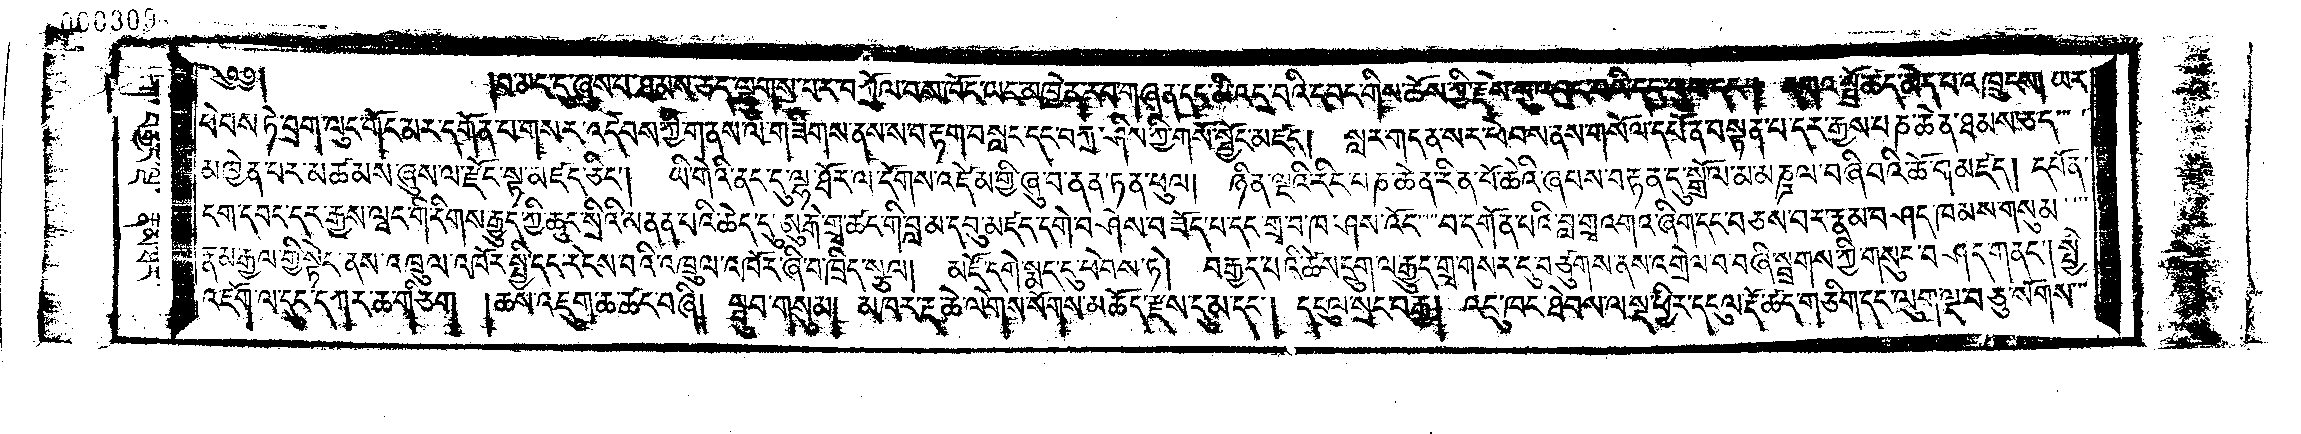༄༅། །བ་མང་དུ་ཞུས་པ་ཐམས་ཅད་ལྷུགས་པར་བཀྲོལ་བས་ཁོང་ཡང་མཁྱེན་རབ་གཞན་དང་མི་འདྲ་བའི་དབང་གིས་ཆོས་ཀྱི་རྗེས་སུ་འབྲང་བའི་དང་གུས་དང་། དགའ་སྤྲོ་ཚད་མེད་པ་འཁྲུངས། ཡར་
ཕེབས་ཏེ་བྲག་ལུང་གོང་མར་དགོན་པ་གསར་འདེབས་ཀྱི་གནས་ལ་གཟིགས་ནས་ས་བརྟག་བསླང་དང་བཀྲ་ཤིས་ཀྱི་གསོ་སྦྱོང་མཛད། སླར་གདན་སར་ཕེབས་ནས་གསོལ་དཔོན་བསྟན་པ་དར་རྒྱས་པཎ་ཆེན་ཐམས་ཅད་
མཁྱེན་པར་མཚམས་ཞུས་ལ་རྫོང་སྟ་མཛད་ཅིང་། ཡི་གེའི་ནང་དུ་ལྷ་ཐོར་ལ་དོགས་འཛེམ་གྱི་ཞུ་བ་ནན་ཏན་ཕུལ། ཉིན་ལྔའི་རིང་པཎ་ཆེན་རིན་པོ་ཆེའི་ཞབས་བརྟན་དུ་སྒྲོལ་མ་མཎྜལ་བཞི་པའི་ཆོ་ག་མཛད། དཔོན་
ངག་དབང་དར་རྒྱས་ཝང་གི་རིགས་རྒྱུད་ཀྱི་ཆུང་སྲིའི་མནན་པའི་ཆེད་དུ་ཨུརྒེ་གྲྭ་ཚང་གི་བླ་མ་དབུ་མཛད་དགེ་བཤེས་བཟོད་པ་དང་གྲྭ་བ་ཁ་ཤས་འོང་བ་དགོན་པའི་བླ་གྲྭ་འགའ་ཞིག་དང་བཅས་པར་རྣམ་བཤད་ཁམས་གསུམ་
རྣམ་རྒྱལ་གྱི་སྟེང་ནས་འཁྲུལ་འཁོར་སྤྱི་དང་རེངས་པའི་འཁྲུལ་འཁོར་ཞི་བ་ཁྲིད་སྩལ། མཛོད་དགེ་སྨད་དུ་ཕེབས་ཏེ། བརྒྱད་པའི་ཚེས་དྲུག་ལ་རྒྱུད་གྲྭ་གསར་དུ་བཙུགས་ནས་འགྲེལ་པ་བཞི་སྦྲགས་ཀྱི་གསུང་བཤད་གནང་། སྤྱི་
འཇོག་ལ་དུང་དཀར་ཆ་གཅིག །ཆས་འཇུག་ཆ་ཚང་བཞི། སྦུབ་གསུམ། མཁར་རྔ་ཆེ་ལེགས་སོགས་མཆོད་རྫས་དུ་མ་དང་། དངུལ་སྲང་བརྒྱ། འདུ་ཁང་ཐེབས་ལ་སྔ་ཕྱིར་དངུལ་རྡོ་ཚད་གཅིག་དང་ལུགས་ལྔ་བཅུ་སོགས་